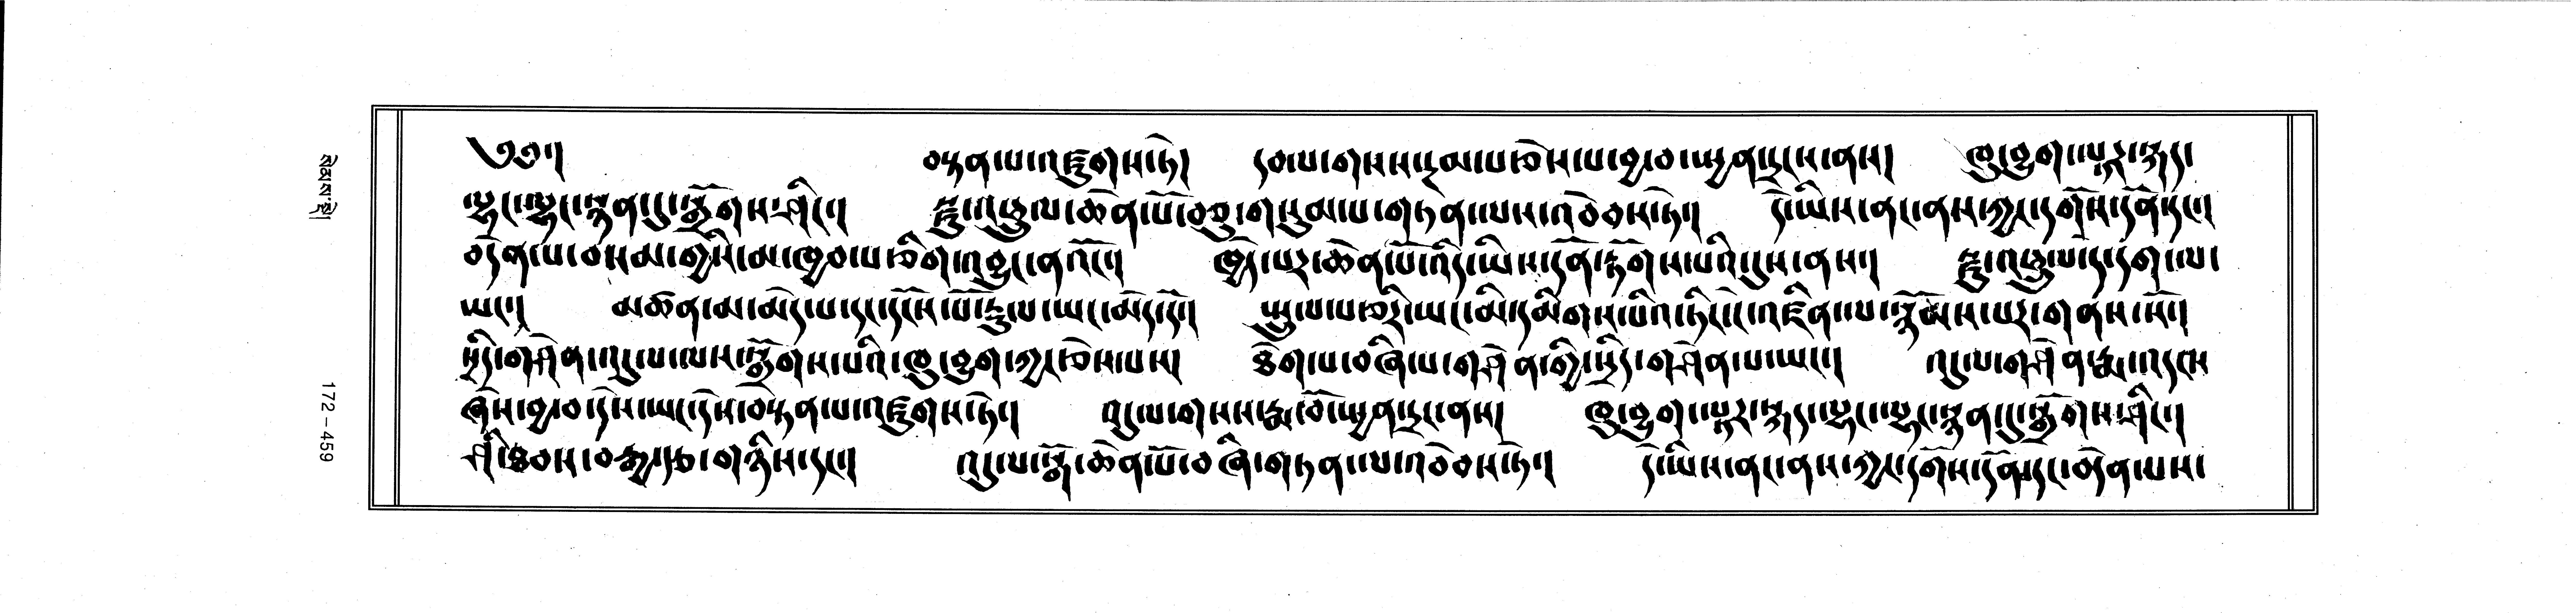བསྟན་པ་འཛུགས་ཏེ། དབལ་གསས་རྔམ་པ་ཅེས་པ་བྱ་བ་སྤྱན་དྲངས་ནས། ཁུ་བྱུག་ལྟར་སྐད་
ལྷང་ལྷང་སྙན་དུ་སྒྲོགས་ཤིང་། རྫུ་འཕྲུལ་ཆེན་པོ་བཅུ་གསུམ་པ་གཏན་ལས་འབེབས་ཏེ། དེ་ཡིས་ནང་ནས་ཀྱང་དགོས་དོན་དང་། 
བདེན་པ་བསམ་གྱིས་མི་ཁྱབ་པ་ཅིག་འབྱུང་ན་ཡང་། ཁྱེད་པར་ཆེན་པོ་འདི་ཡིས་དོན་རྟོགས་པའི་དུས་ནས། རྫུ་འཕྲུལ་དེ་དག་ལ་
ཡང་། མཚན་མ་མེད་པ་དང་དངོས་པོ་རྡུལ་ཡང་མེད་དོ། སྤྲུལ་པ་ཅིར་ཡང་མི་དམིགས་པའི་ཏིང་ངེ་འཛིན་ལ་སྙོམས་པར་གནས་སོ། 
སྲིད་གཤེན་འདུལ་ལས་སྒྲོགས་པའི་ཁུ་བྱུག་ཀྱང་ཅེས་པས། ཐེག་པ་བཞི་པ་གཤེན་གྱི་སྲིད་གཤེན་པ་ཡང་། འདུལ་གཤེན་རྨ་འདངས་
ཞེས་བྱ་བ་དེས་ཡང་དེས་བསྟན་པ་འཛུགས་ཏེ། འདུལ་གསས་རྨ་བོ་སྤྱན་དྲངས་ནས། ཁུ་བྱུག་ལྟར་སྐད་ལྷང་ལྷང་སྙན་དུ་སྒྲོགས་ཤིང་། 
ཤི་ཐབས་བརྒྱ་རྩ་གཉིས་དང་། འདུལ་སྒོ་ཆེན་པོ་བཞི་གཏན་ལ་འབེབས་ཏེ། དེ་ཡིས་ནང་ནས་ཀྱང་དགོས་དོན་དང་བདེན་པས་